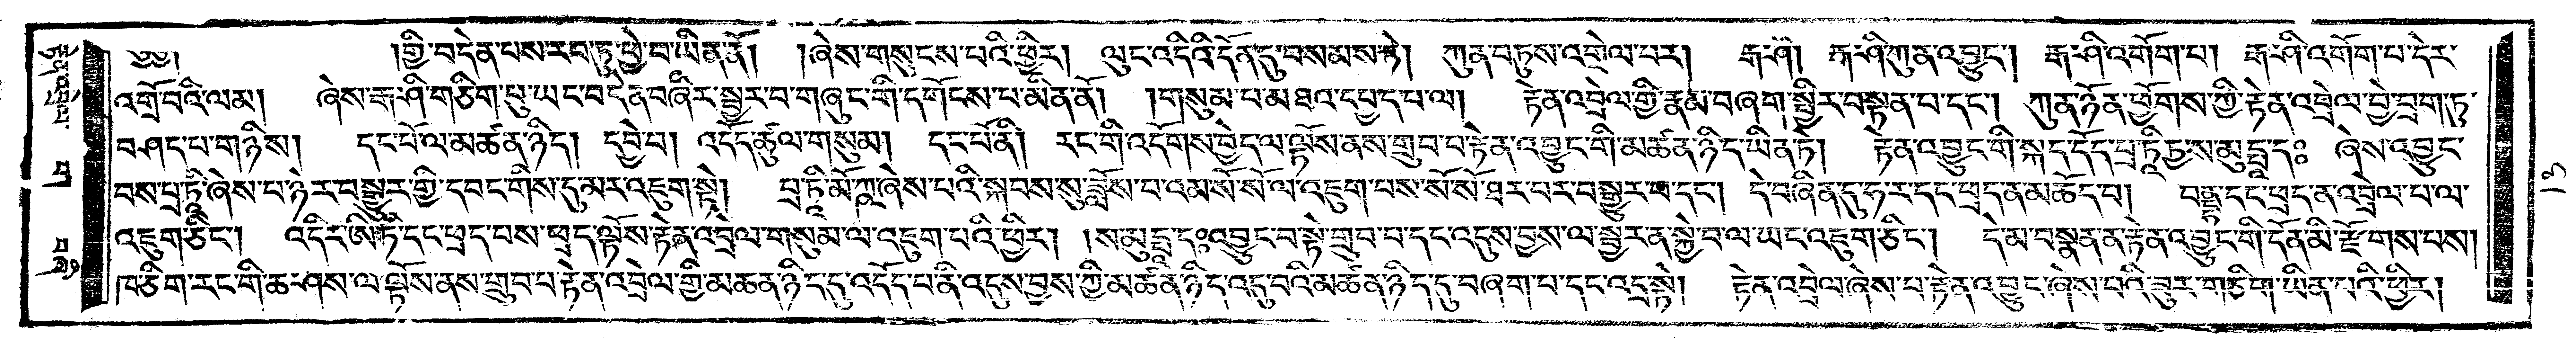༄༅༅། །གྱི་བདེན་པས་རབ་ཏུ་བྱེ་བ་ཡིན་ནོ། །ཞེས་གསུངས་པའི་ཕྱིར། ལུང་འདིའི་དོན་དུ་བསམས་ཏེ། ཀུན་བཏུས་འགྲེལ་བར། རྒ་ཤི། རྒ་ཤི་ཀུན་འབྱུང་། རྒ་ཤི་འགོག་བ། རྒ་ཤི་འགོག་བ་དེར་
འགྲོ་བའི་ལམ། ཞེས་རྒ་ཤི་གཅིག་པུ་ཡང་བདེན་བཞིར་སྦྱར་བ་གཞུང་གི་དགོངས་པ་མིན་ནོ། །གསུམ་པ་མཐའ་དཔྱད་པ་ལ། རྟེན་འབྲེལ་གྱི་རྣམ་བཞག་སྤྱིར་བསྟན་པ་དང་། ཀུན་ཉོན་ཕྱོགས་ཀྱི་རྟེན་འབྲེལ་བྱེ་བྲག་ཏུ་
བཤད་པ་གཉིས། དང་པོ་ལ་མཚན་ཉིད། དབྱེ་བ། འདོད་ཚུལ་གསུམ། དང་པོ་ནི། རང་གི་འདོགས་བྱེད་ལ་ལྟོས་ནས་གྲུབ་བརྟེན་འབྱུང་གི་མཚན་ཉིད་ཡིན་ཏེ། རྟེན་འབྱུང་གི་སྐད་དོད་པྲ་ཏཱི་ཏྱ་ས་མུ་དཔའ་དཿ ཞེས་འབྱུང་
བས་པྲ་ཏཱི་ཞེས་པ་ཉེར་བསྒྱུར་གྱི་དབང་གིས་དུ་མར་འཇུག་སྟེ། བྲ་ཏཱི་མོ་ཀྵ་ཞེས་པའི་སྐབས་སུ་ཟློས་པ་འམ་སོ་སོ་ལ་འཇུག་པས་སོ་སོ་ཐར་བར་བསྒྱུར་བ་དང་། དེ་བཞིན་དུ་ཧ་ར་དང་ཕྲད་ན་མཆོད་པ། བྣྡྷ་དང་ཕྲད་ན་འབྲེལ་པ་ལ་
འཇུག་ཅིང་། འདིར་ཨི་ཏི་དང་ཕྲད་བས་ཕྲད་ལྟོས་རྟེན་འབྲེལ་གསུམ་ལ་འཇུག་པའི་ཕྱིར། །སྨུངྤཱ་ད་ལྟ་འབྱུང་བ་སྟེ་གྲུབ་པ་དང་འདུས་བྱས་ལ་སྒྱར་ན་སྐྱེ་བ་ལ་ཡང་འཇུག་ཅིང་། དེ་མ་བསྣན་ན་རྟེན་འབྱུང་གི་དོན་མི་རྫོགས་པས།།
ཁ་ཅིག་རང་གི་ཆ་ཤས་ལ་ལྟོས་ནས་གྲུབ་པ་རྟེན་འབྲེལ་གྱི་མཚན་ཉིད་དུ་འདོད་པ་ནི་འདུས་བྱས་ཀྱི་མཚན་ཉིད་འདུ་བའི་མཚན་ཉིད་དུ་བཞག་པ་དང་འདྲ་སྟེ། རྟེན་འབྲེལ་ཞེས་བ་རྟེན་འབྱུང་ཞེས་པའི་ཟུར་གཅིག་ཡིན་པའི་ཕྱིར།